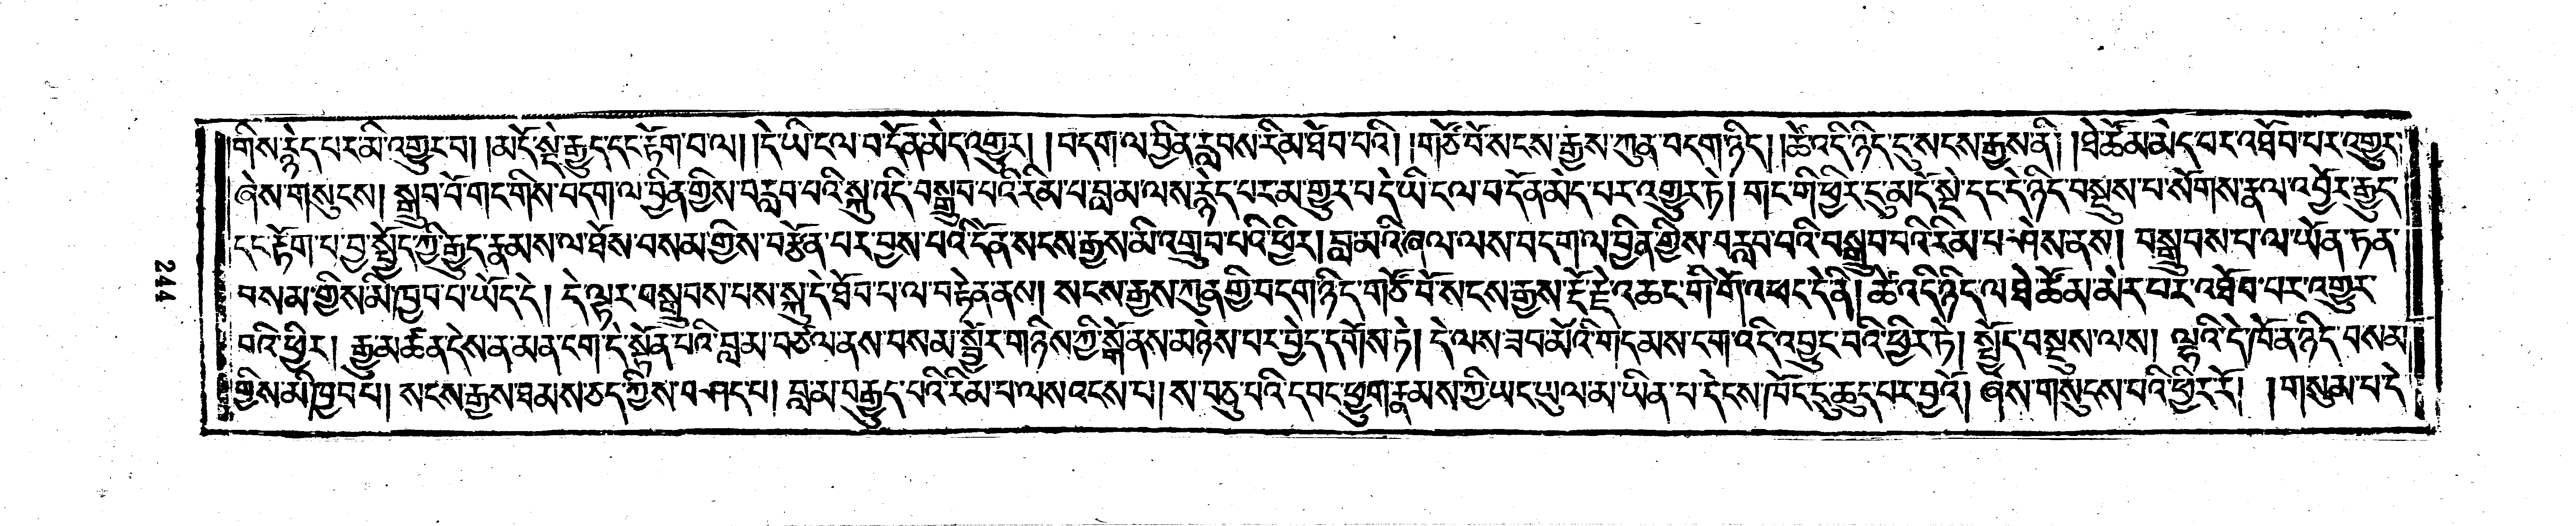གིས་རྙེད་པར་མི་འགྱུར་བ། །མདོ་སྡེ་རྒྱུད་དང་རྟོག་པ་ལ། །དེ་ཡི་ངལ་བ་དོན་མེད་འགྱུར། །བདག་ལ་བྱིན་རླབས་རིམ་ཐོབ་པའི། །གཙོ་བོ་སངས་རྒྱས་ཀུན་བདག་ཉིད། །ཚེ་འདི་ཉིད་དུ་སངས་རྒྱས་ནི། །ཐེ་ཚོམ་མེད་པར་འཐོབ་པར་འགྱུར་
ཞེས་གསུངས། སྒྲུབ་པོ་གང་གིས་བདག་ལ་བྱིན་གྱིས་བརླབ་པའི་སྐུ་འདི་བསྒྲུབ་པའི་རིམ་པ་བླ་མ་ལས་རྙེད་པར་མ་གྱུར་པ་དེ་ཡི་ངལ་བ་དོན་མེད་པར་འགྱུར་ཏེ། གང་གི་ཕྱིར་དུ་མདོ་སྡེ་དང་དེ་ཉིད་བསྡུས་པ་སོགས་རྣལ་འབྱོར་རྒྱུད་
དང་རྟོག་པ་བྱ་སྤྱོད་ཀྱི་རྒྱུད་རྣམས་ལ་ཐོས་བསམ་གྱིས་བརྩོན་པར་བྱས་པའི་དོན་སངས་རྒྱས་མི་འགྲུབ་པའི་ཕྱིར། བླ་མའི་ཞལ་ལས་བདག་ལ་བྱིན་གྱིས་བརླབ་པའི་བསྒྲུབ་པའི་རིམ་པ་ཤེས་ནས། བསྒྲུབས་པ་ལ་ཡོན་ཏན་
བསམ་གྱིས་མི་ཁྱབ་པ་ཡོད་དེ། དེ་ལྟར་བསྒྲུབས་པས་སྐུ་དེ་ཐོབ་པ་ལ་བརྟེན་ནས། སངས་རྒྱས་ཀུན་གྱི་བདག་ཉིད་གཙོ་བོ་སངས་རྒྱས་རྡོ་རྗེ་འཆང་གི་གོ་འཕང་དེ་ནི། ཚེ་འདི་ཉིད་ལ་ཐེ་ཚོམ་མེད་པར་འཐོབ་པར་འགྱུར་
པའི་ཕྱིར། རྒྱུ་མཚན་དེས་ན་མན་ངག་དེ་སྟོན་པའི་བླ་མ་བཙལ་ནས་བསམ་སྦྱོར་གཉིས་ཀྱི་སྒོ་ནས་མཉེས་པར་བྱེད་དགོས་ཏེ། དེ་ལས་ཟབ་མོའི་གདམས་ངག་འདི་འབྱུང་བའི་ཕྱིར་ཏེ། སྤྱོད་བསྡུས་ལས། ལྷའི་དེ་ཁོ་ན་ཉིད་བསམ་
གྱིས་མི་ཁྱབ་པ། སངས་རྒྱས་ཐམས་ཅད་ཀྱིས་བཤད་པ། བླ་མ་བརྒྱུད་པའི་རིམ་པ་ལས་འདས་པ། ས་བཅུ་པའི་དབང་ཕྱུག་རྣམས་ཀྱི་ཡང་ཡུལ་མ་ཡིན་པ་དེ་ངས་ཁོང་དུ་ཆུད་པར་བྱའོ། ཞེས་གསུངས་པའི་ཕྱིར་རོ། །གསུམ་པ་དེ་